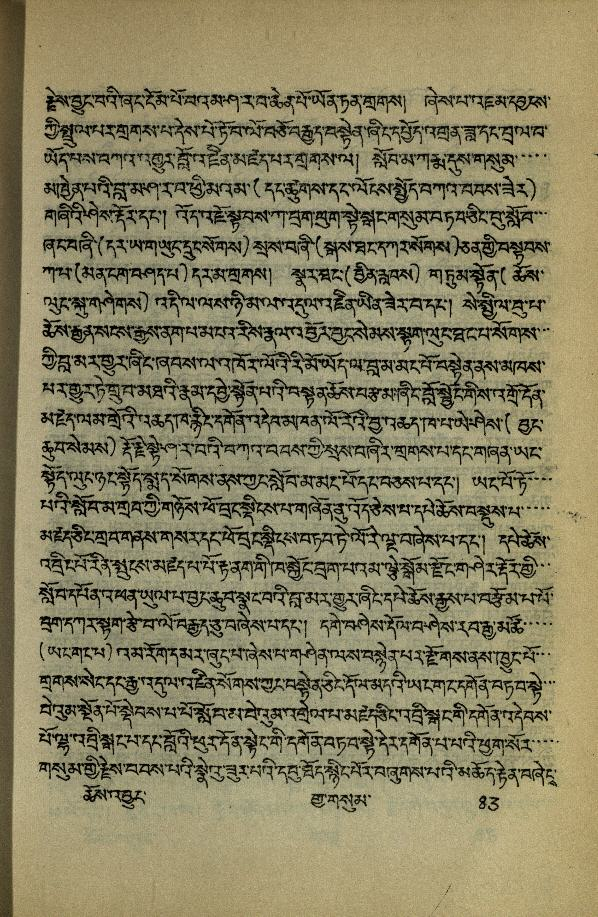རྗེས་བྱུང་བའི་ཞང་ངོམ་པོ་བའམ་ཤ་ར་བ་ཆེན་པོ་ཡོན་ཏན་གྲགས། ཞེས་པ་འཇམ་དབྱངས་
ཀྱི་སྤྲུལ་པར་གྲགས་པ་དེས་པོ་ཏོ་བ་ལོ་བཅོ་བརྒྱད་བསྟེན་ཞིང་དཔྱོད་འགྲན་ཟླ་དང་བྲལ་བ་
ཡོད་བས་བཀའ་འགྱུར་བློ་འཛིན་མཛད་པར་གྲགས་ལ། སློབ་མ་ཀརྨ་དུས་གསུམ་
མཁྱེན་པའི་བླ་མ་ཤ་ར་བ་ཕྱི་མའམ་དང་ཚུགས་དང་ལོངས་སྤྱོད་བཀའ་བབས་ཟེར
གཞིའི་ཤེས་རྡོར་དང་། འོད་འཇོ་སྟབས་ཀ་བྲག་ཕུག་སྟེ་སྒང་གསུམ་བཏབ་ཅིང་བུ་སློབ་
ཞང་བཞི་དར་ཡ་གཡུང་དྲུང་སོགས་སྲས་བཞི་སྒས་ཐང་དཀར་སོགས་ཅན་གྱི་བསྟབས་
ཀ་པ་མན་ངག་བཤད་པ་དར་མ་གྲགས། སྣར་ཐང་བྱིན་རླབས་གཏུམ་སྟོན་ཆོས་
ལུང་སྐུ་གཤེགས་འདི་ལ་ལས་ཉི་མ་ལ་འདུལ་འཛིན་ཡིན་ཟེར་བ་དང་། སེ་སྤྱིལ་བུ་པ་
ཆོས་རྒྱན་སངས་རྒྱས་ནག་པ་མངའ་རིས་རྣལ་འབྱོར་བྱང་སེམས་སྟག་ལུང་ཐང་པ་སོགས་
ཀྱི་བླ་མར་གྱུར་ཞིང་ཞབས་ལ་འཁོར་ལོའི་རི་མོ་ཡོད་ལ་བླ་མ་མང་པོ་བསྟེན་ནས་མཁས་
པར་གྱུར་ཏེ་གྲུབ་མཐའི་རྣམ་དབྱེ་སྟོན་པའི་བསྟན་ཆོས་བརྩམ་ཞིང་བློ་སྦྱོང་གིས་འགྲོ་དོན་
མཛད་ལམ་གྲོའི་འཆད་ཁ་རྙིང་དགོན་འདེབ་མཁན་ལོ་རོའི་བྱ་འཆད་ཁ་པ་ཡེ་ཤེས་བྱང་
ཆུབ་སེམས་རྡོ་རྗེ་སྟེ་ཤ་ར་བའི་བཀའ་བབས་ཀྱི་སྲས་བཞིར་གྲགས་པ་དང་གཞན་ཡང་
སྟོད་ལུང་ཉང་སྟོད་སྨད་སོགས་ནས་ཀྱང་སློབ་མ་མང་པོ་དང་བཅས་པ་དང་། ཡང་པོ་ཏོ་
པའི་སློབ་མ་གྲབ་ཀྱི་གཉོས་ཕོ་བྲང་སྡིངས་པ་གཞོན་ནུ་འོད་ཅེས་པ་དཔེ་ཆོས་བསྡུས་པ་
མཛད་ཅིང་གྲབ་གནས་གསར་དང་ཕོ་བྲང་སྡིངས་བཏབ་ཏེ་ལོ་རེ་ལྔ་བཞེས་པ་དང་། དཔེ་ཆོས་
འབྲིང་པོ་རིན་སྤུངས་མཛད་པ་པོ་རྟ་ནག་གི་ཁ་སྐྱོང་བྲག་པའམ་ལྕེ་སྒོམ་རྫོང་གཤེར་རྡོར་གྱི་
སློབ་དཔོན་འཕན་ཡུལ་པ་བྱང་ཆུབ་སྣང་བའི་བླ་མར་གྱུར་ཞིང་དཔེ་ཆོས་རྒྱས་པ་བརྩོམ་པ་པོ་
བྲག་དཀར་སྟག་རྩེ་བ་ལོ་བརྒྱད་ཅུ་བཞེས་པ་དང་། དགེ་བཤེས་དོལ་བ་ཤེས་རབ་རྒྱ་མཚོ་
ཡང་གང་པ་འམ་རོག་དམར་ཞུང་པ་ཞེས་པ་གཤེན་ལས་བསྙེན་པར་རྫོགས་ནས་ཁྱུང་པོ་
གྲགས་སེང་དང་རྒྱ་འདུལ་འཛིན་སོགས་ཀྱང་བསྟེན་ཅིང་དོལ་མདའི་ཡང་གང་དགོན་བཏབ་སྟེ་
བེའུམ་སྔོན་པོ་སྡེབས་པ་པོ་སློབ་མ་བེའུམ་འགྲེལ་པ་མཛད་ཅིང་འབྲི་སྒང་གི་དགོན་འདེབས་
པོ་ལྷ་འབྲི་སྒང་པ་དང་བློའི་ཕུར་དོན་སྟེང་གི་དགོན་བཏབ་སྟེ་དེར་དགོན་པ་པའི་ཕྱག་སོར་
གསུམ་གྱི་རྗེས་བབས་པའི་སྣེའུ་ཟུར་བའི་དབུ་ཐོད་སྙིང་པོར་བཞུགས་པའི་མཆོད་རྟེན་བཞེངས་